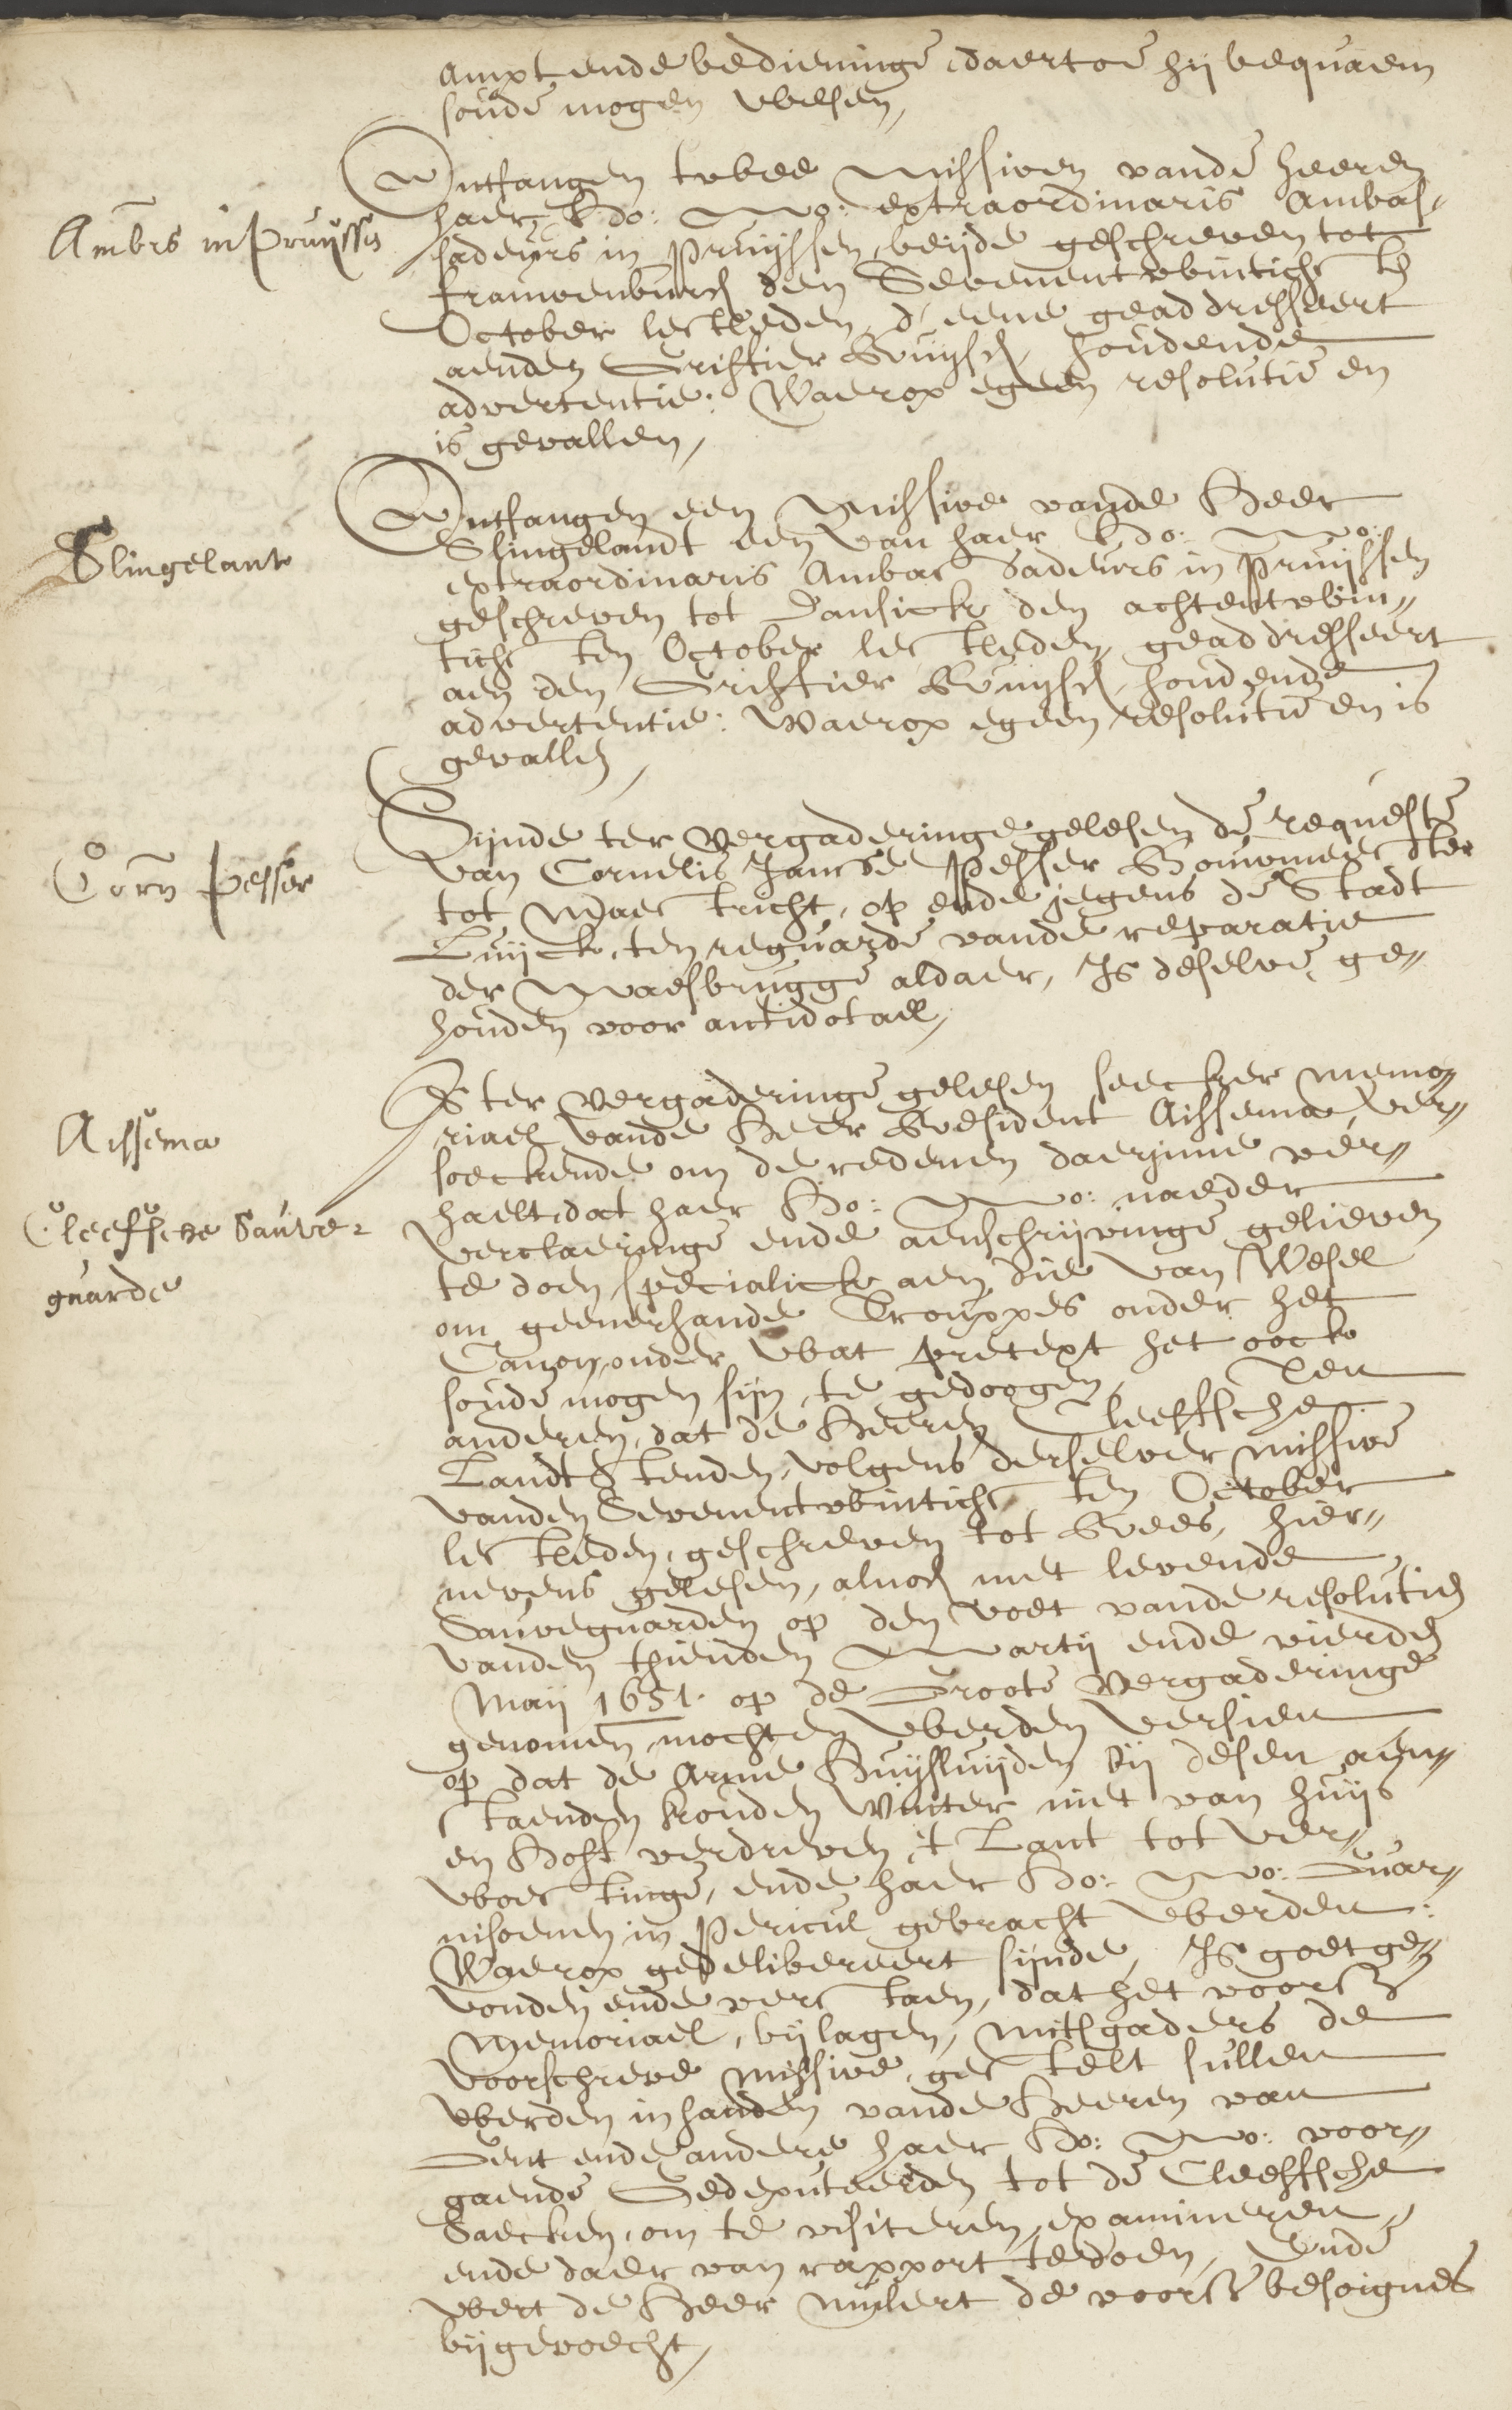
Ampt ende bedieninge, daertoe hij bequaem
soude mogen wesen.
Ambrs. in Pruijssen
Ontfangen twee Missiven vande heeren
haer Ho:Mo: extraordinaris Ambas„
sadeurs in Pruijssen beijde geschreven tot
Frauwenburch den Sevenentwintichsten
October lestleden, d‛ eene geaddresseert
aenden Griffier Ruijsch, houdende
advertentie: Waerop egeen resolutie en
is gevallen.
Slingelant
Ontfangen een Missive vande Heer
Slingelandt een van haer Ho:Mo:
extraordinaris Ambassadeurs in Pruijssen
geschreven tot Dansick den achtentwin„
tichsten October lestleden, geaddresseert
aen den Griffier Ruijsch, houdende
advertentie: Waerop egeen resolutie en is
gevallen.
Corn. Pesser
Sijnde ter Vergaderinge gelesen de requeste
van Cornelis Jansse Pesser Bouwmeester
tot Maestricht, op ende jegens de Stadt
Luijck, ten reguarde vande reparatie
der Maesbrugge aldaer, Is deselve ge„
houden voor antidotael.
Aissema
Cleefsche Sauve„
guarde
Is ter Vergaderinge gelesen seecker memo„
riael vande Heer Resident Aissema, ver„
soeckende om de redenen daerinne ver„
haelt, dat haer Ho:Mo: naeder
verclaeringe ende aenschrijvinge gelieven
te doen specialick aen die van Wesel
om geenerhande Trouppes onder het
Canon, onder wat pretext het oock
soude mogen sijn, te gedoogen, ten
anderen, dat de Heeren Cleeffsche
Landt Stenden, volgens derselver missive
vanden Sevenentwintichsten October
lestleden, geschreven tot Rees, hier„
nevens gelesen, alnoch met levende
Sauveguarden op den voet vande resolutien
vanden thienden Martij ende vierden
Maij 1651. op de Groote Vergaderinge
genomen, mochten werden versien
op dat de Arme Huijsluijden bij desen aen„
staenden kouden Winter niet van huijs
en Hoff verdreven, ‛t Lant tot ver„
woestinge, ende haer Ho:Mo: Guar„
nisoenen in Pericul gebracht werden:
Waerop gedelibereert sijnde, Is goetge„
vonden ende verstaen, dat het voorss
memoriael, bijlagen, mitsgaders de
voorschreve missive, gestelt sullen
werden in handen vande Heeren van
Gent ende andere haer Ho:Mo: voor„
gaende Gedeputeerden tot de Cleeffsche
Saecken, om te visiteren, examineren,
ende daer van rapport te doen, Ende
wert de Heer Mulert de voorss besoignes
bijgevoecht.
